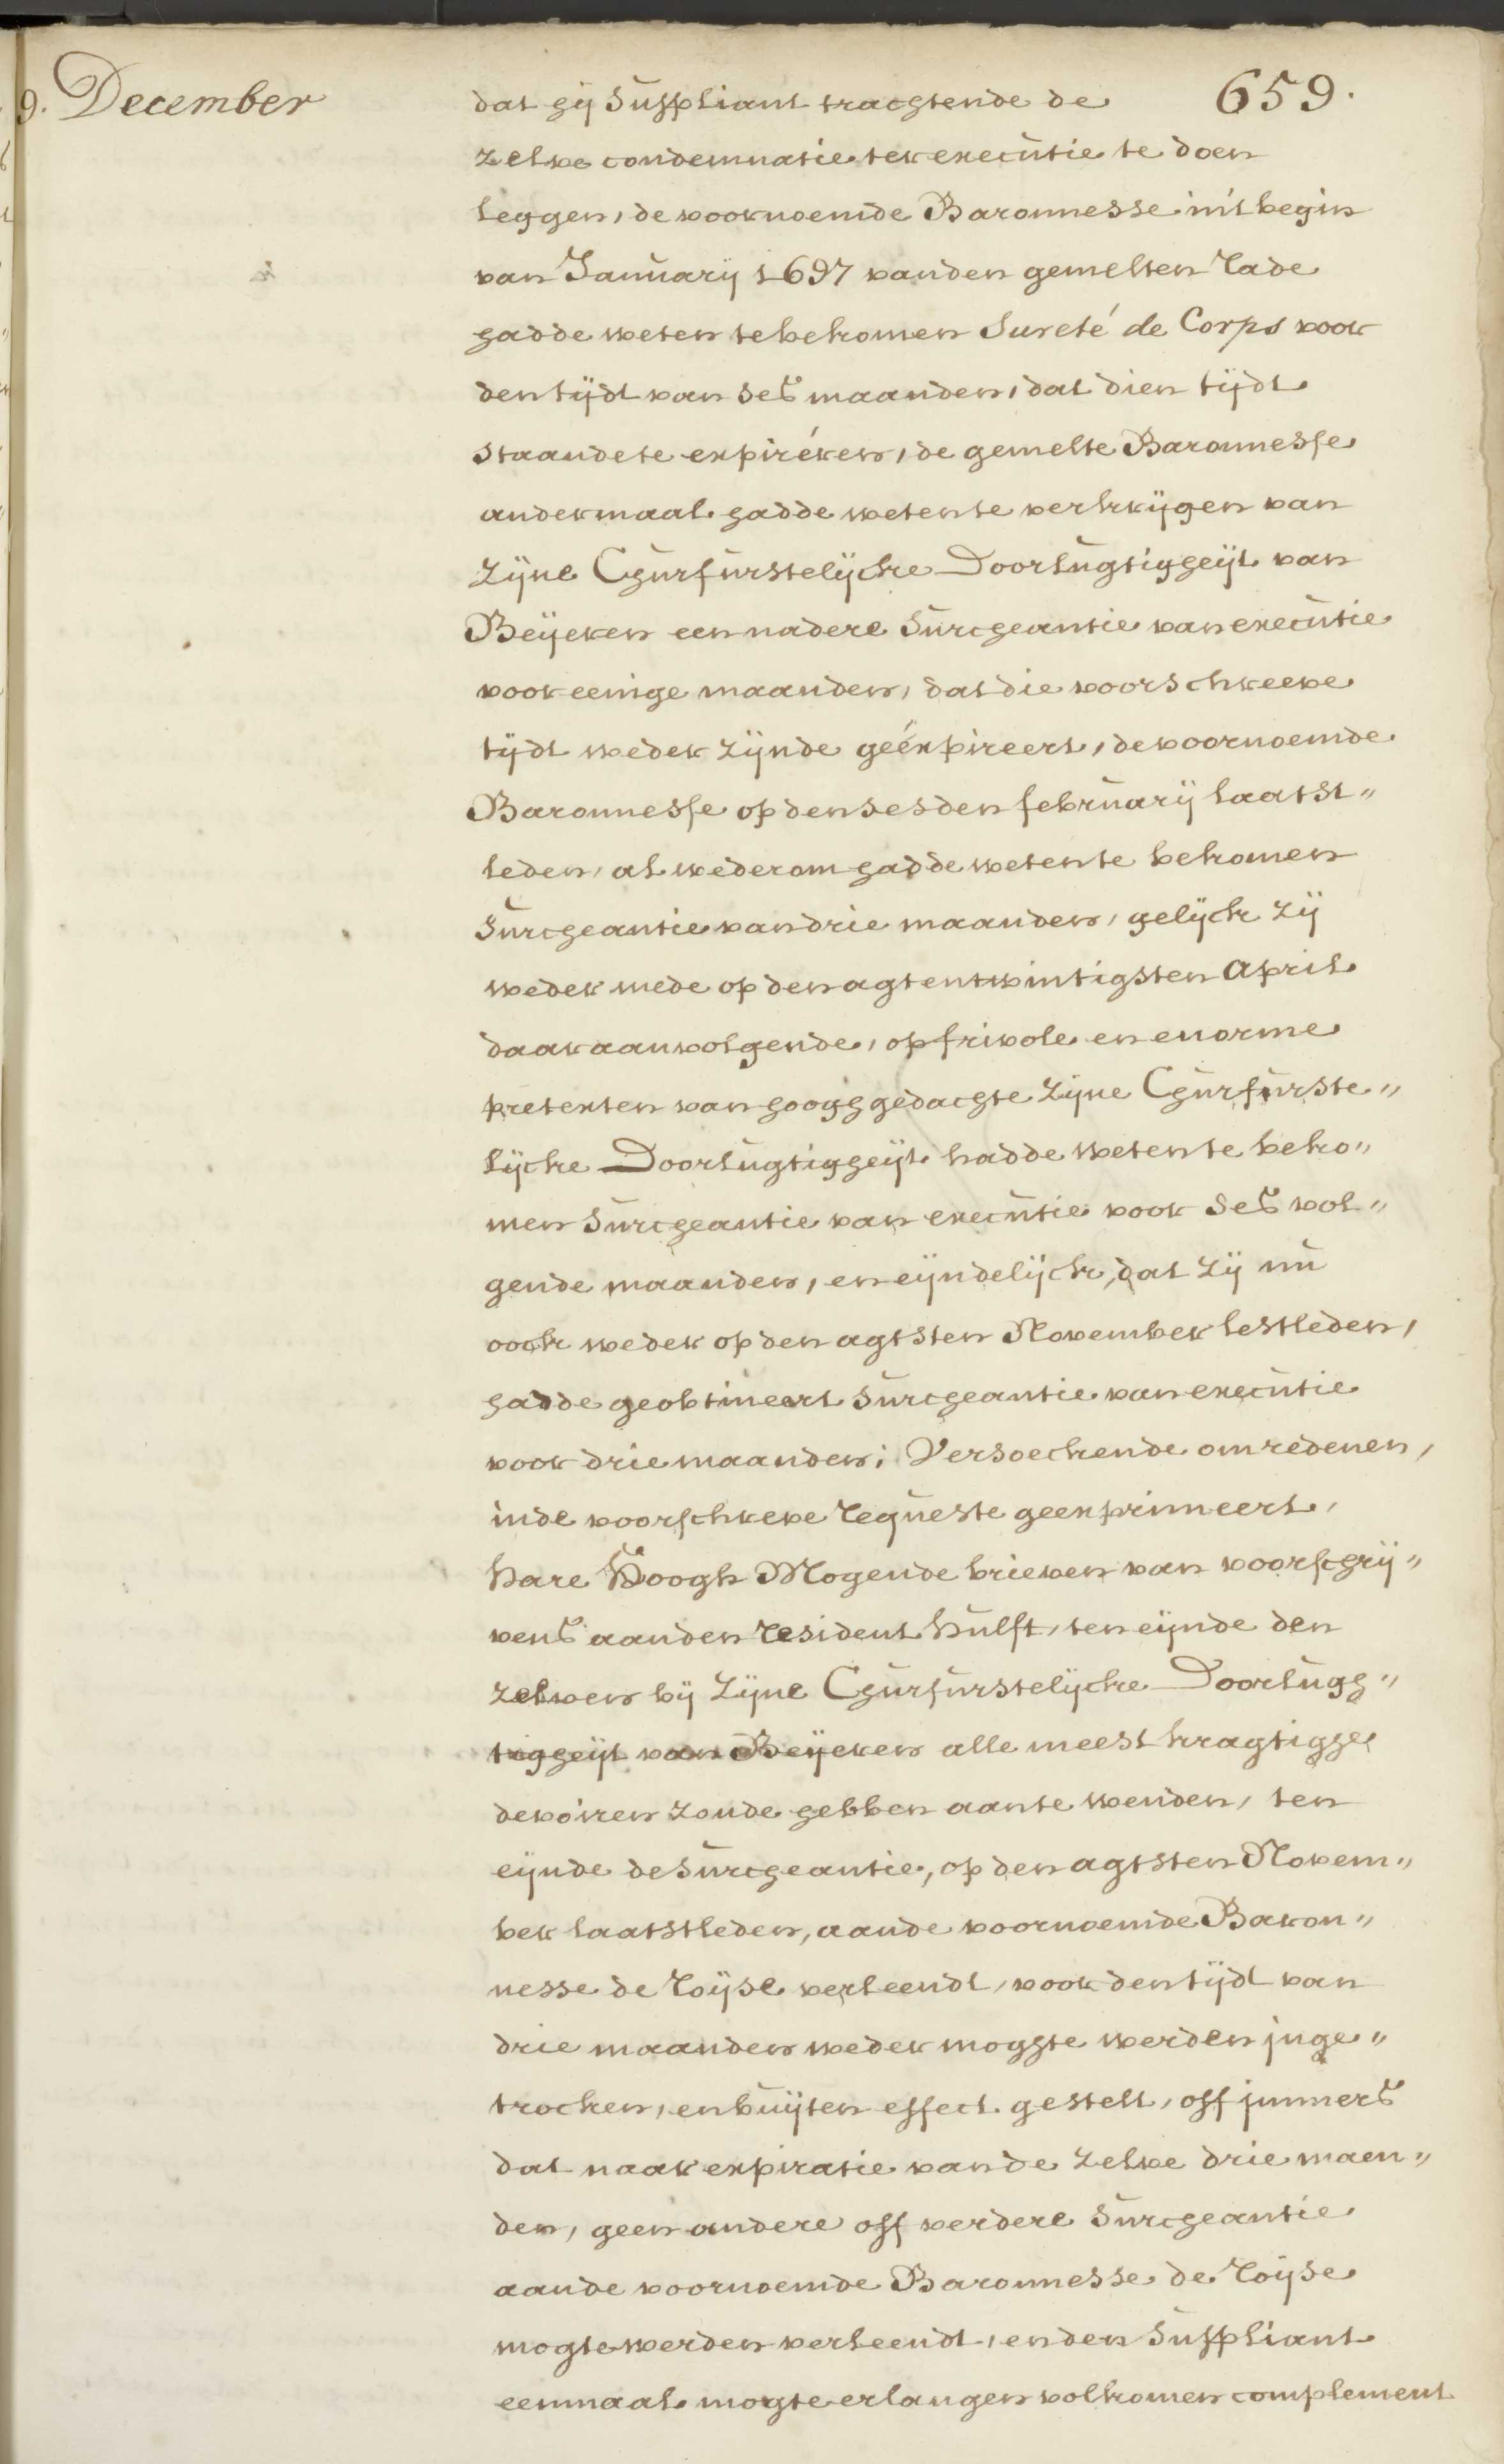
659.
9. December
dat hij suppliant trachtende de
zelve condemnatie ter executie te doen
leggen, de voornoemde Baronnesse te begin
van Januarij 1697 vanden gemelten Rade
hadde weten te bekomen Surete' de Corps voor
den tijdt van ses maanden, dat dien tijdt
staande te expireren, de gemelte Baronnesse
andermaal hadde weten te verkrijgen van
zijne Churfurstelijcke Doorlugtigheijt van
Beijeren een nadere surcheantie van executie
voor eenige maanden, dat die voorschreeve
tijdt weder zijnde geexpireert, de voornoemde
Baronnesse op den sesden februarij laatst„
leden, al wederom hadde weten te bekomen
surcheantie van drie maanden, gelijck zij
weder mede op den agtentwintigsten april
daaraan volgende, op frivole en enorme
pretexten van hooghgedachte zijne Churfurste„
lijcke Doorlugtigheijt hadde weten te beko,,
men surcheantie van executie voor ses vol„
gende maanden, en eijndelijck dat zij nu
oock weder op den agtsten November lestleden,
hadde geobtineert surcheantie van executie
voor drie maanden: Versoeckende omredenen,
inde voorschreve requeste geexprimeert,
hare Hoogh Mogende brieven van voorschrij„
vens aanden resident Hulst, ten eijnde den
zelvers bij Zijne Churfurstelijcke Doorlugh„
tigheijt voor Beijeren alle meest kragtighe
devoiren zoude hebben aan te wenden, ten
eijnde de surcheantie, op den agtsten Novem„
ber laatstleden, aande voornoemde Baron„
nesse de Roijse verleendt, voor den tijdt van
drie maanden weder moghte werden inge„
trocken, en buijten effect gestelt, off immers
dat naar expiratie van de zelve drie maen„
den, geen andere off verdere surcheantie
aande voornoemde Baronnesse de Roijse
mogte werden verleendt, enden suppliant
eenmaal mogte erlangen volkomen complement
